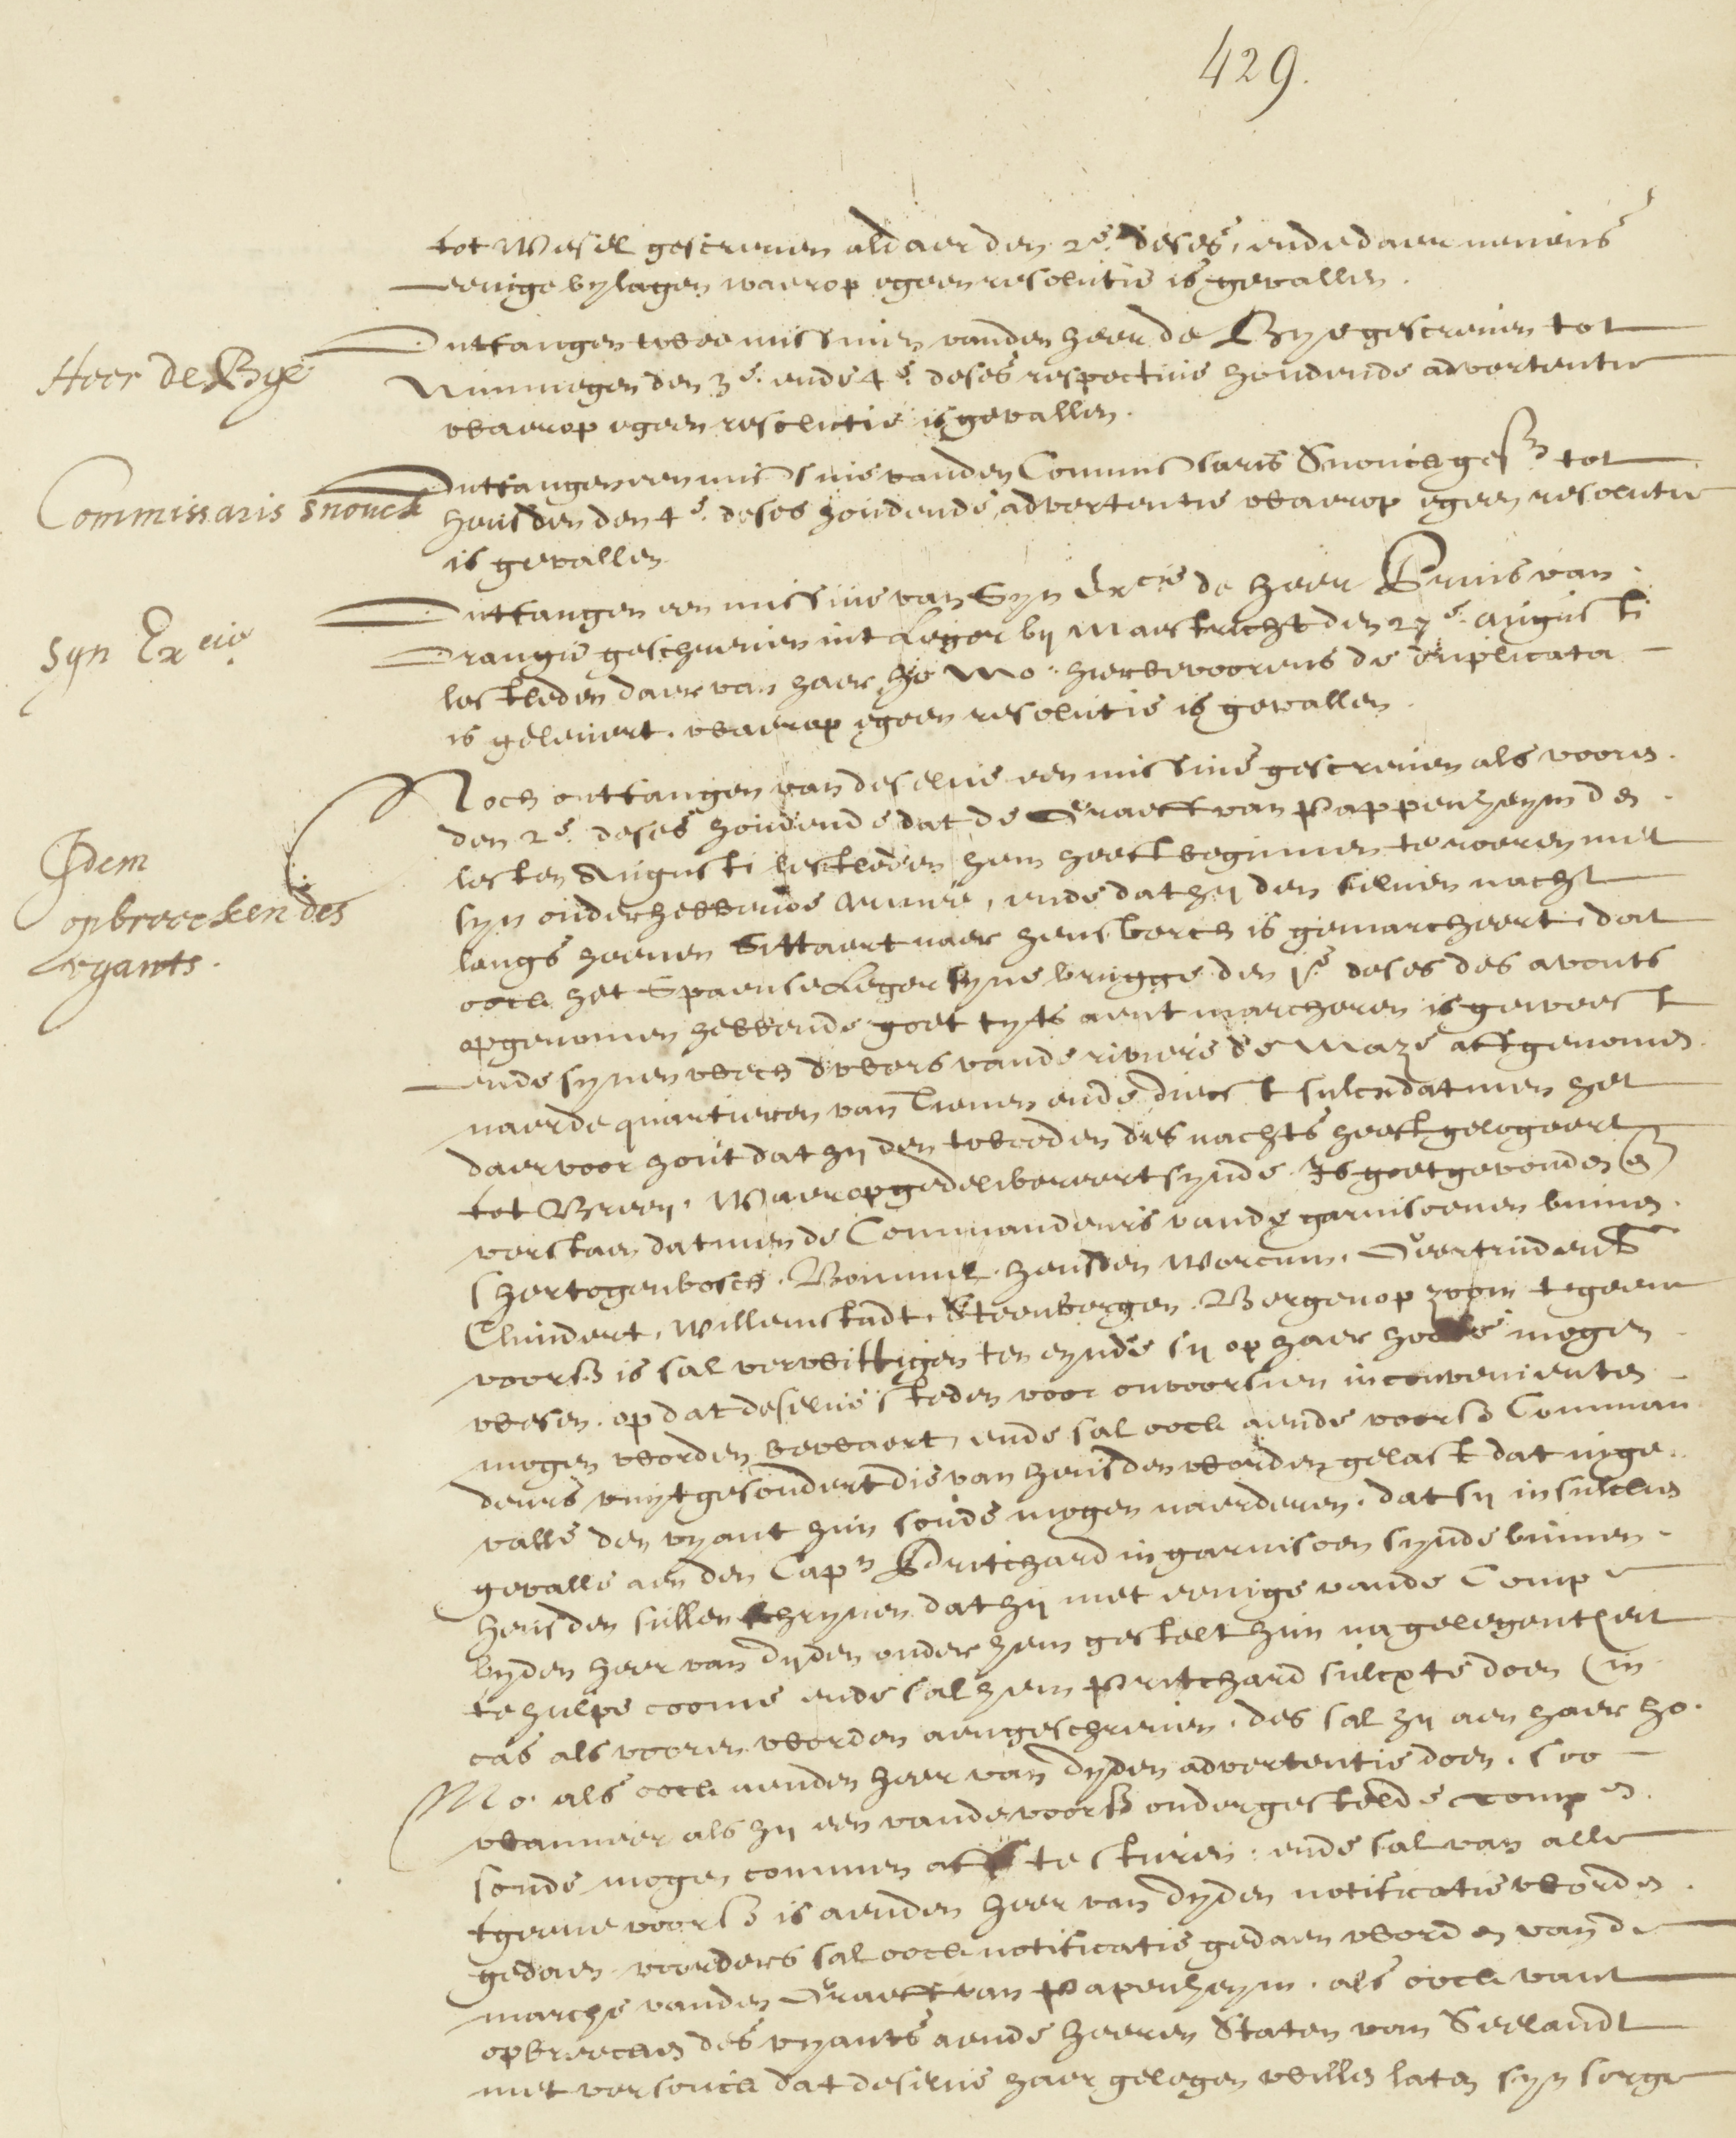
429.
tot Wesel gescreuen aldaer den 2en. deses, ende daer neuens
eenige bylagen waerop egeen resolutie is gevallen.
Heer de Bye
Ontfangen twee missiuen vanden heer de Bye gescreuen tot
Nimmegen den 3en. ende 4en. deses respectiue houdende advertentie
waerop egeen resolutie is gevallen.
Commissaris snouck
Ontfangen een misssue vanden Commissaris Snouck gesn tot
heusden den 4en. deses houdende advertentie waerop egeen resolutie
is gevallen.
syn Excie.
Ontfangen een missiue van Syn Excie. de heer Prins van
Orangie geschreuen int Leger by Maestricht den 27en. augusti
lestleden daer van haer HoMo: hierbevoorens de duplicata
is geleuert, waerop egeen resolutie is gevallen.
Idem
opbreecken des
vyants
Noch ontfangen van deselue een missiue gescreuen als vooren.
den 2en. deses houdende dat de Graeff van Pappenheym den
lesten Augusti lestleden hem heeft beginnen te roeren met
syn onderhebbende Armee, ende dat hy den seluen nacht
langs heenen Sittaert naer hensberch is gemarcheert, dat
oock het Spaense Leger syne brugge den 1en. deses des avonts
opgenomen hebbende goet tyts aent marcheren is geweest
ende synen wech dwers vande riviere de Maze affgenomen
naerde quartieren van Tienen ende diest sulcx datmen het
daervoor hout dat hy den tweeden des nachts heeft gelogeert
tot Breey. Waerop gedelibereert synde, Is goetgevonden &
verstaen, datmen de Commandeurs vande garnisoenen binnen.
shertogenbosch, Bommel, heusden Worcum, Geertrudenb
Clundert, Willemstadt, Steenbergen, Bergen op zoom t'geen
voors is sal verwittigen ten eynde sy op haer hoede mogen
wesen, op dat deselue steden voor onvoorsien inconvenienten
mogen worden bewaert, ende sal oock aende voors Comman
deurs vuytgesondert die van heusden worden gelast dat inge„
valle den vyant hun soude mogen naerderen, dat sy in sulcken
gevalle aen den Capn Pritchard in garnisoen synde binnen
heusden sullen schryuen dat hy met eenige vande Compe
byden heer van dyden onder hem gestelt hun na gelegentheit
te hulpe coome ende sal hem Pritchard sulcx te doen (in
cas als vooren worden aengeschreuen, des sal hy aen haer Ho:
Mo: als oock aenden heer van dyden advertentie doen, soo
wanneer als hy een vande voors ondergestelde compen.
soude mogen commen aff te sturen, ende sal van alle
tgeene voors is aenden heer van dyden notificatie worden
gedaen. voorders sal oock notificatie gedaen worden van de
marche vanden Graeff van Papenheym, als oock vant
opbreecken des vyants aende heeren Staten van Seelandt
met versouck dat deselue haer gelegen willen laten syn sorge
